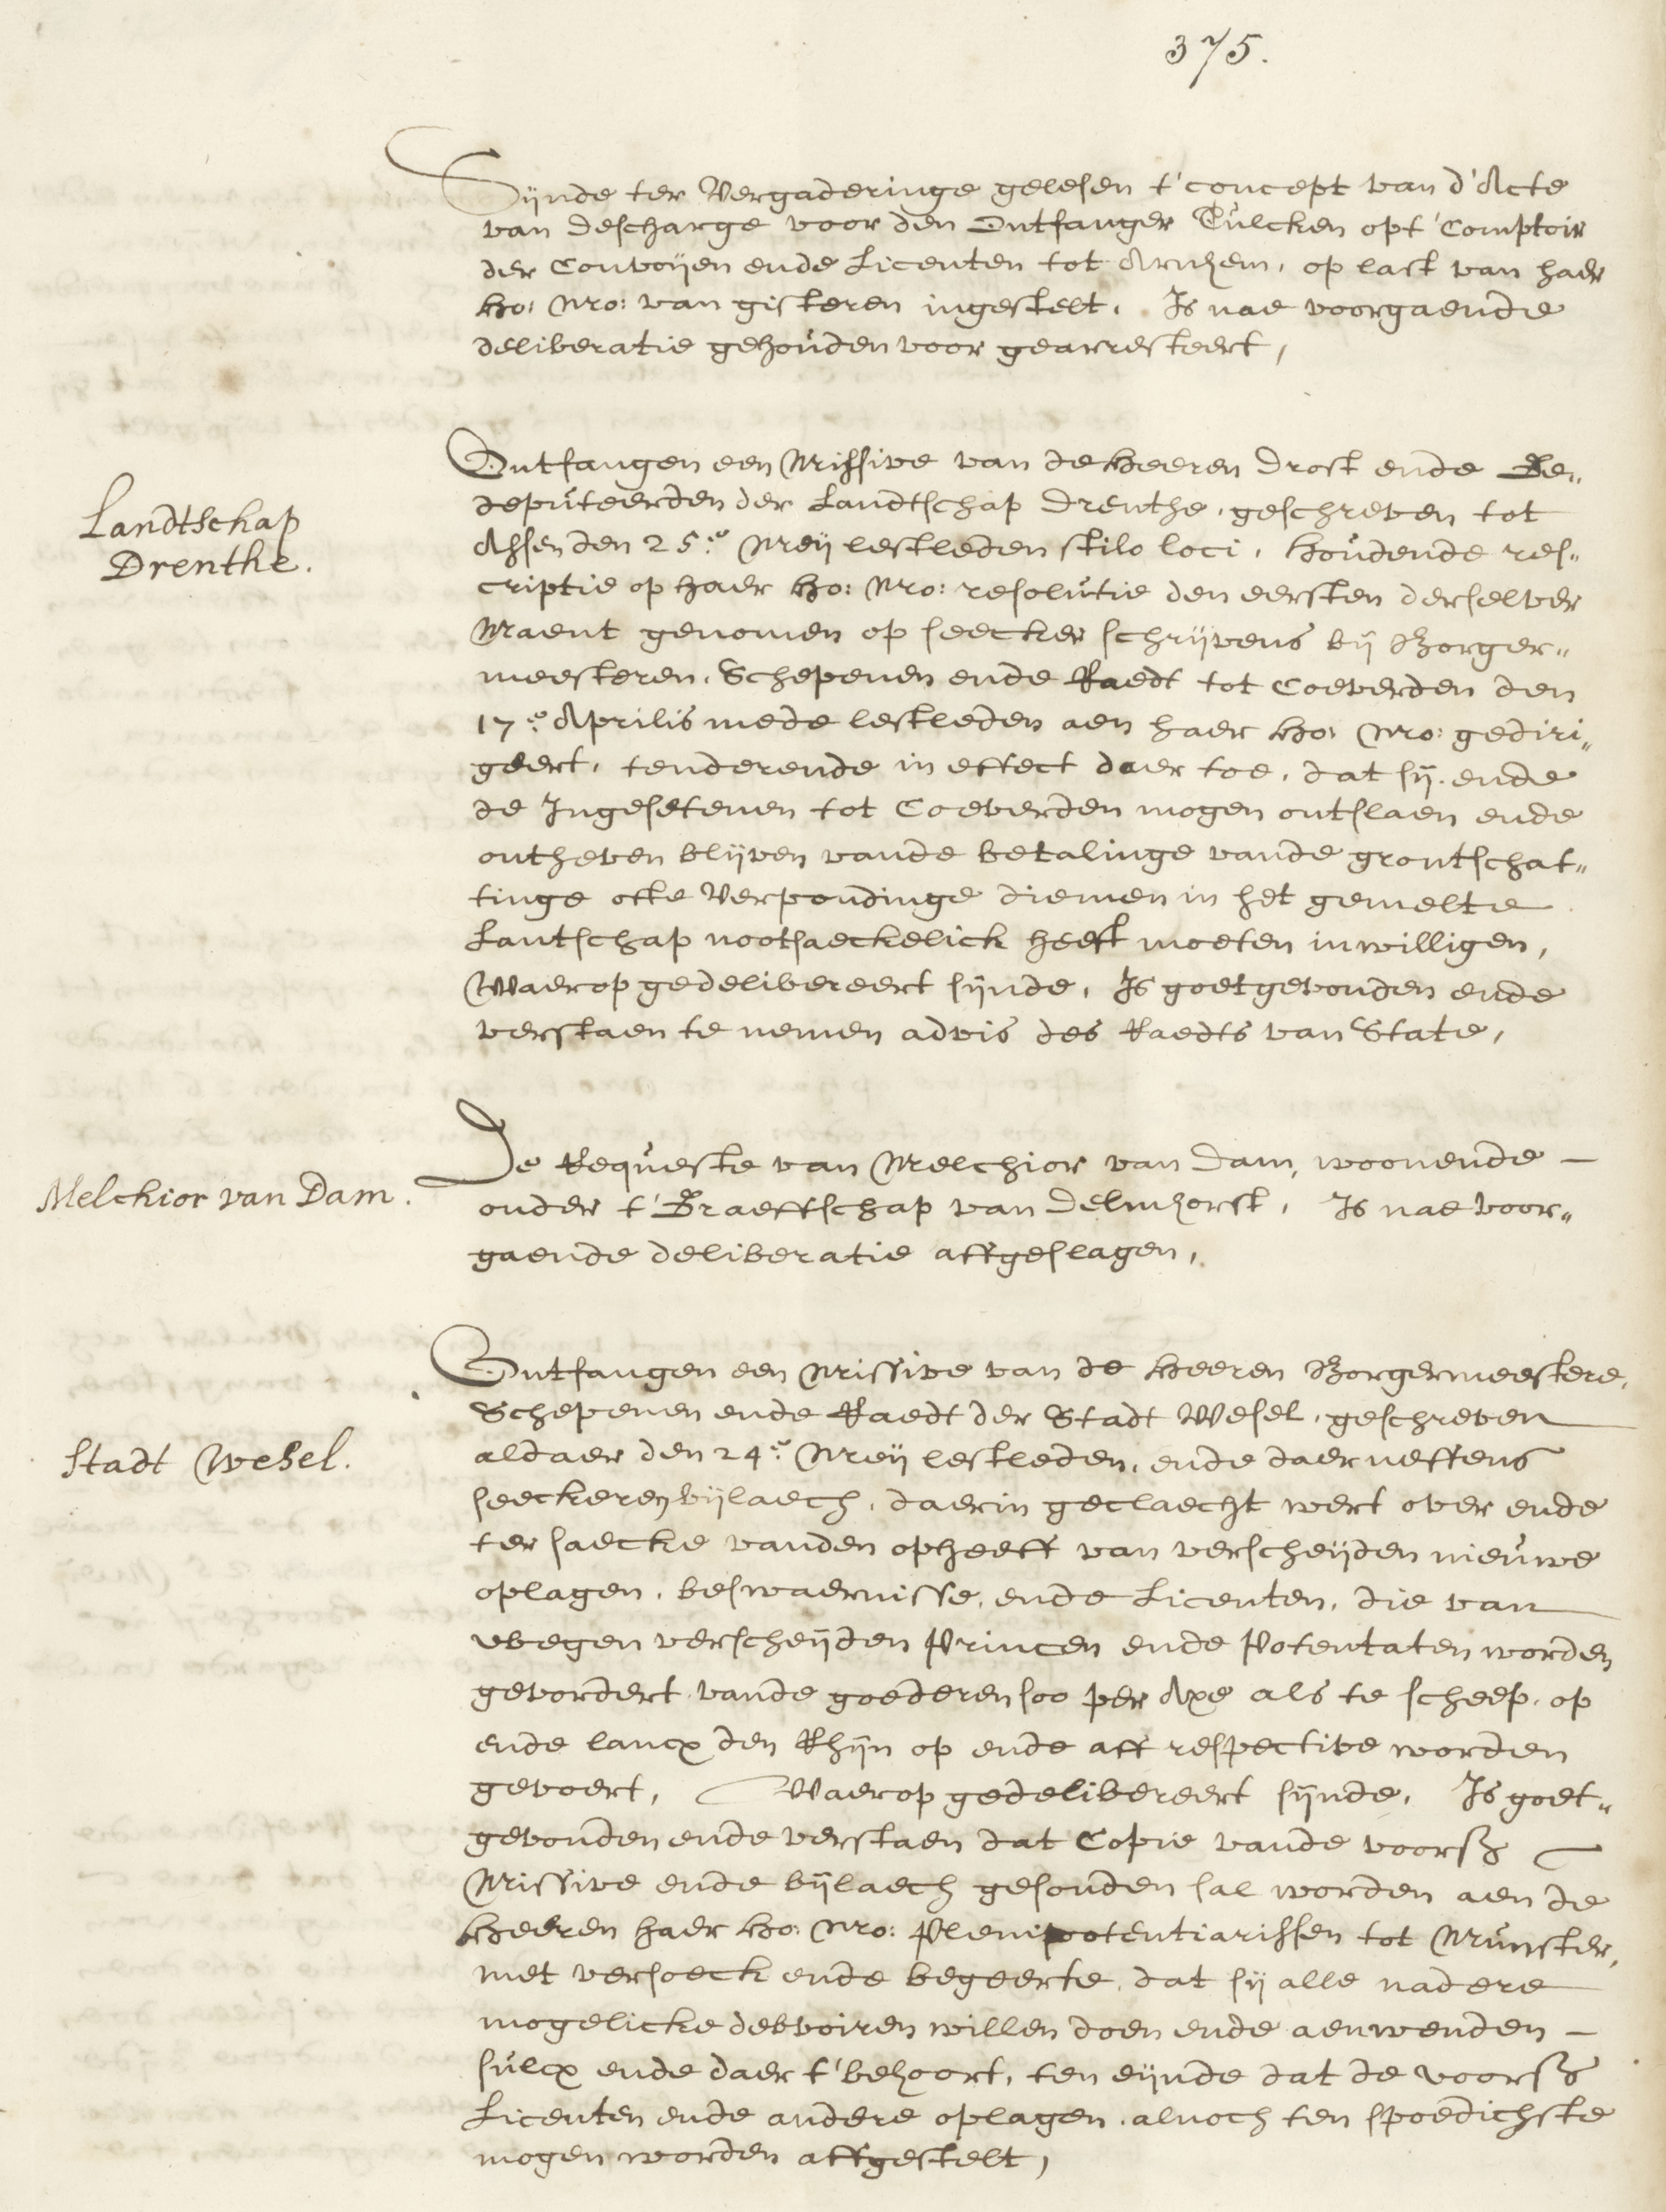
375.
Sijnde ter Vergaderinge gelesen t'concept van d'Acte
van Descharge voor den Ontfanger Tulcken opt' Comptoir
der Convoijen ende Licenten tot Arnhem, op last van haer
Ho:Mo: van gisteren ingestelt, Is nae voorgaende
deliberatie gehouden voor gearresteert.
Landtschap
Drenthe.
Ontfangen een Missive van de Heeren Drost ende Ge,,
deputeerden der Landtschap Drenthe, geschreven tot
Assen den 25e. Meij lestleden stilo loci, houdende res„
criptie op haer Ho:Mo: resolutie den eersten derselver
Maent genomen op seecker schrijvens bij Borger,,
meesteren, Schepenen ende Raedt tot Coeverden den
17e Aprilis mede lestleden aen haer Ho:Mo: gediri„
geert, tenderende in effect daer toe, dat sij ende
de Ingesetenen tot Coeverden mogen ontslaen ende
ontheven blijven vande betalinge vande grontschat„
tinge ofte Verpondinge diemen in het gemelte
Lantschap nootsaeckelick heeft moeten inwilligen.
Waerop gedelibereert sijnde, Is goetgevonden ende
verstaen te nemen advis des Raedts van State.
Melchior van Dam.
De Requeste van Melchior van Dam, woonende
onder t' Graeffschap van Delmhorst, Is nae voor,,
gaende deliberatie affgeslagen.
Stadt Wesel.
Ontfangen een Missive van de Heeren Borgermeestere,
Schepenen ende Raedt der Stadt Wesel, geschreven
aldaer den 24e. Meij lestleden, ende daer neffens
seeckeren bijlaech, daerin geclaecht wert over ende
ter saecke vanden opheeff van verscheijden nieuwe
oplagen, beswaernisse, ende Licenten, die van
wegen verscheijden Princen ende Potentaten worden
gevordert vande goederen soo per Axe als te scheep, op
ende lancx den Rhijn op ende aff respective worden
gevoert. Waerop gedelibereert sijnde, Is goet„
gevonden ende verstaen dat Copie vande voors
Missive ende bijlaech gesonden sal worden aen de
Heeren haer Ho:Mo: Plenipotentiarissen tot Munster,
met versoeck ende begeerte, dat sij alle nadere
mogelicke debvoiren willen doen ende aenwenden
sulcx ende daer t'behoort, ten eijnde dat de voors
Licenten ende andere oplagen, alnoch ten spoedichste
mogen worden affgestelt.
